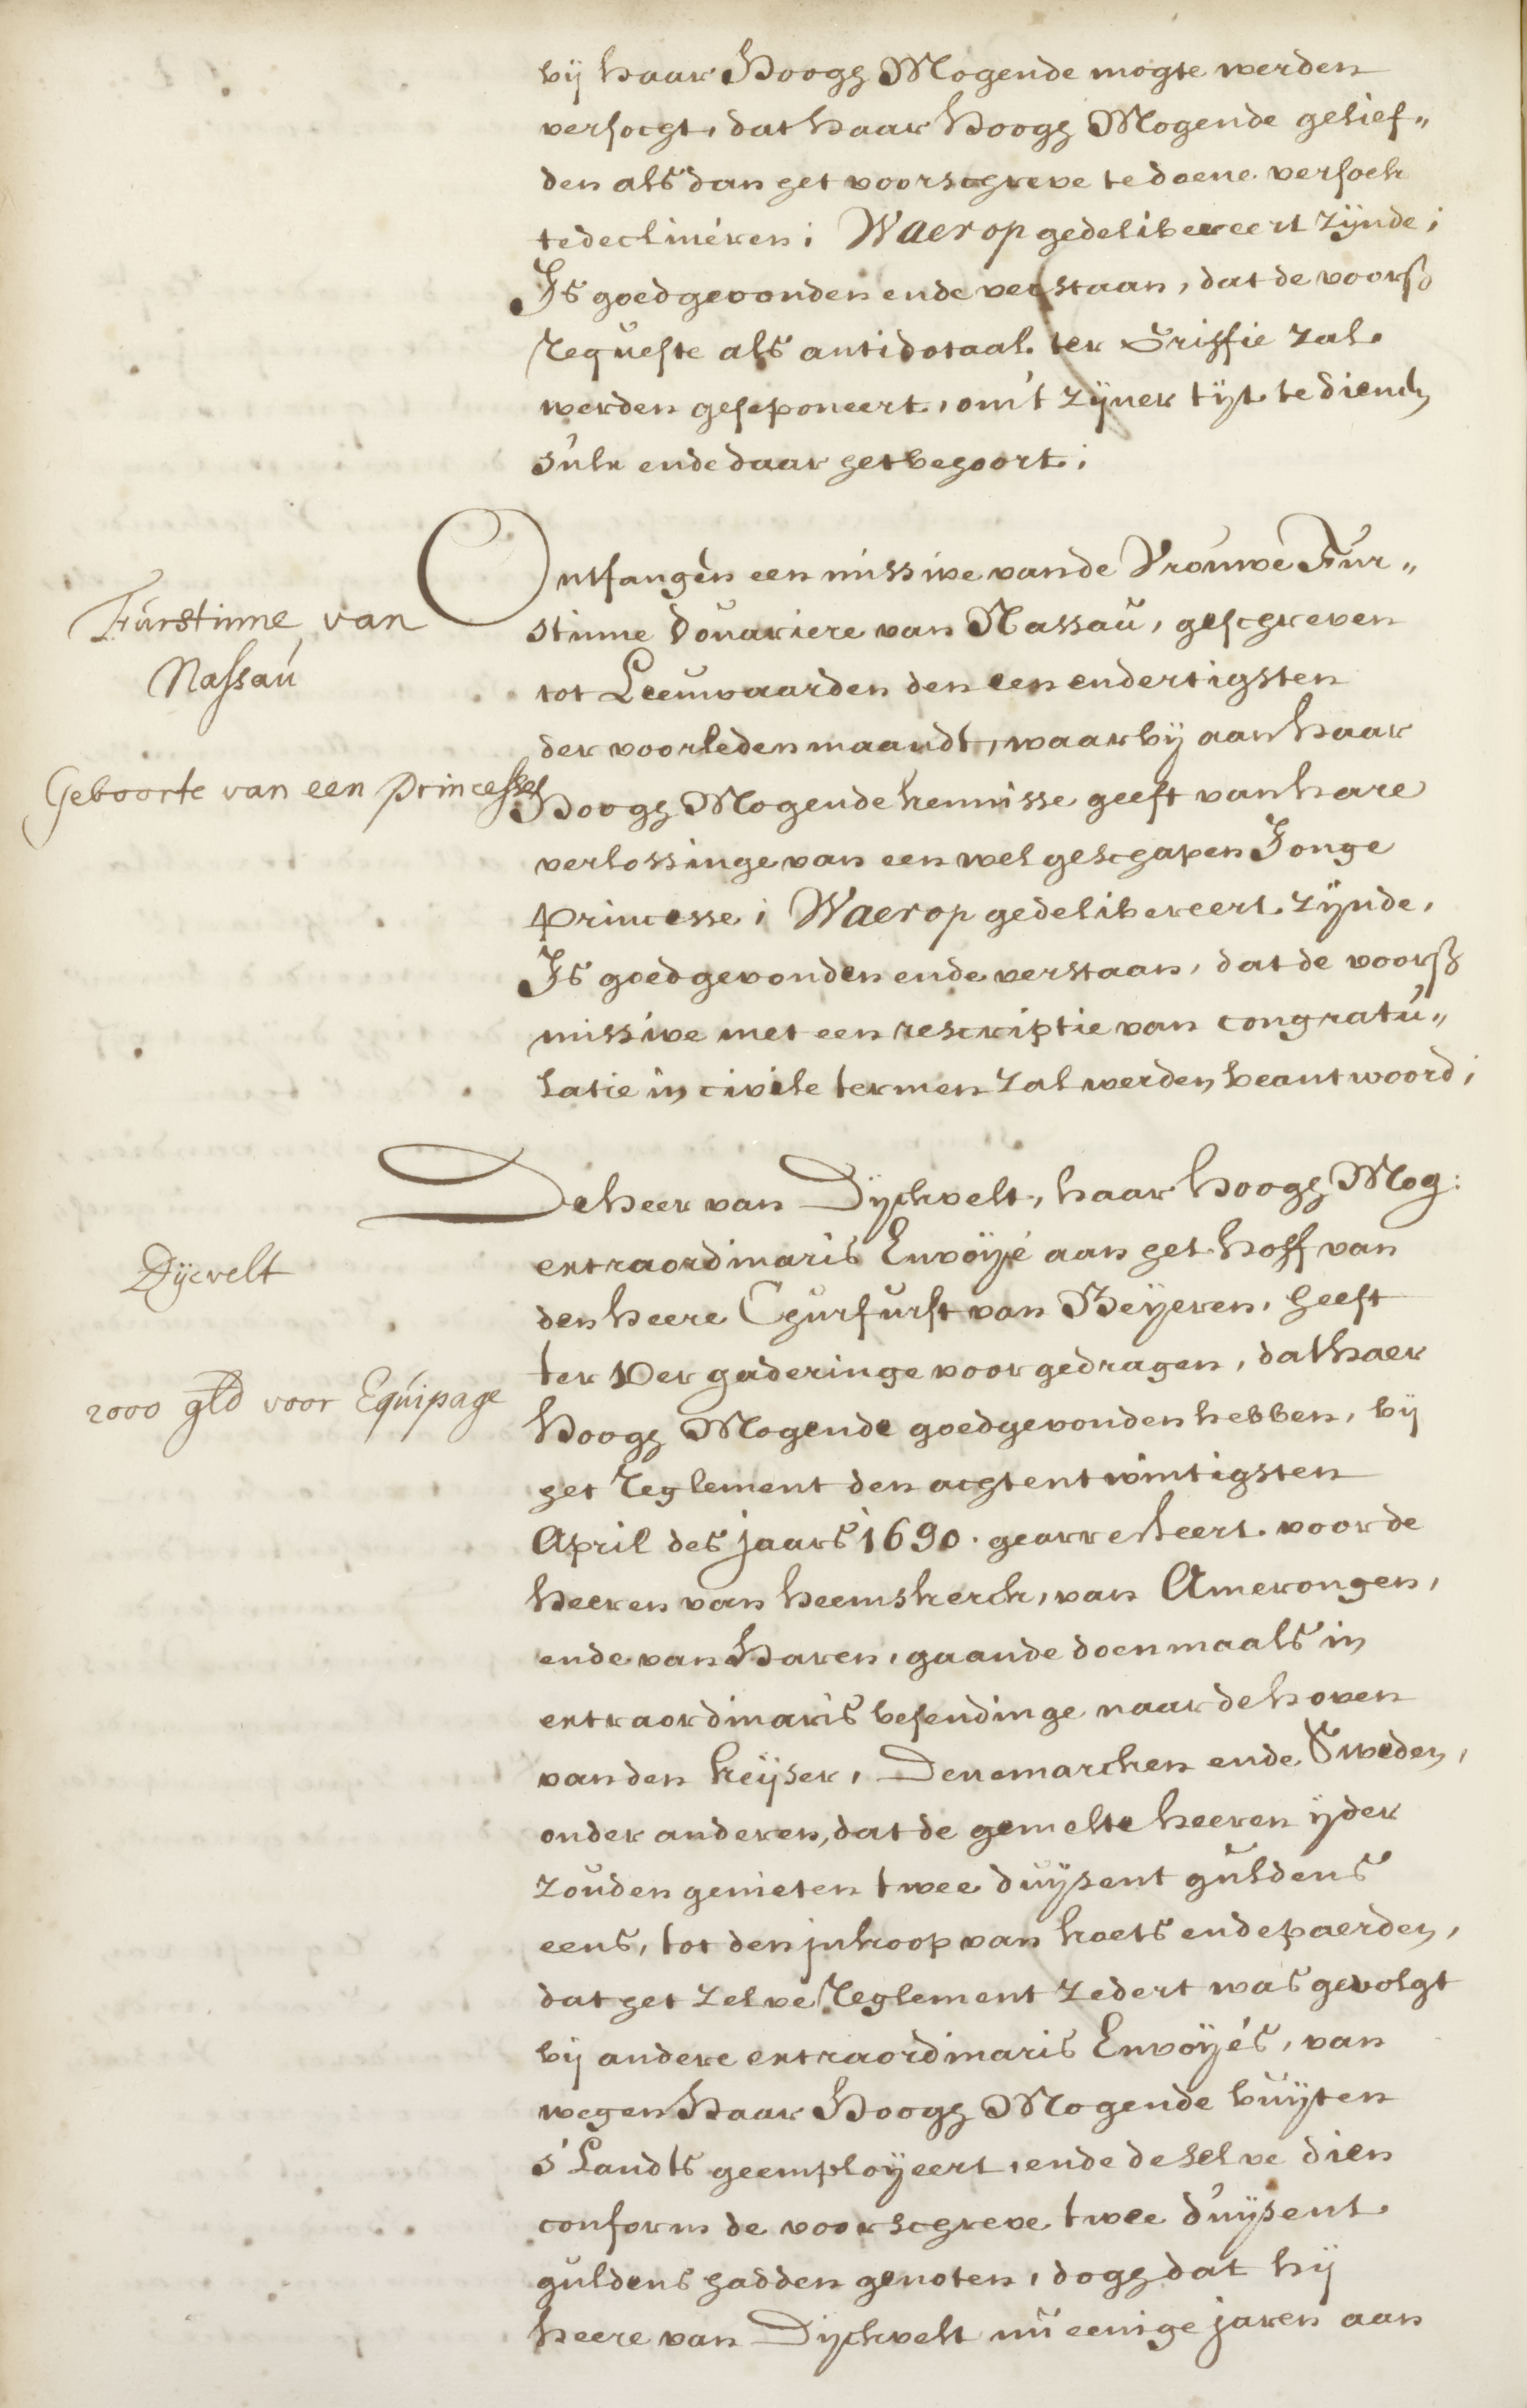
bij haar Hoogh Mogende mogte werden
versocht dat haar Hoogh Mogende gelief„
den als dan het voorschreve te doene versoek
te declineren: Waerop gedelibereert zijnde;
Is goedgevonden ende verstaan, dat de voors
requeste als antidotaal ter Griffie zal
werden geseponeert, om 't zijner tijt te dienen
sulx ende daar het behoort:
Furstinne van
Nassau
Geboorte van een Princesse
Ontfangen een missive vande Vrouwe Fur„
stinne douariere van Nassau, geschreven
tot Leeuwaarden den een endertigsten
der voorleden maandt, waarbij aan haar
Hoogh Mogende kennisse heeft van hare
verlossinge van een welgeschapen Jonge
Princesse; Waerop gedelibereert zijnde,
Is goedgevonden ende verstaan, dat de voors
missive met een rescriptie van congratu„
latie in civile termen zal werden beantwoord.
Dijcvelt
2000 gld voor Equipage
De heer van Dijckvelt, haar Hoogh Mog:
extraordinaris Envoije aan het Hoff van
den heere Churfurst van Beijeren, heeft
ter vergaderinge voorgedragen, dat haer
Hoogh Mogende goedgevonden hebben, bij
het reglement den achtentwintigsten
April des jaars 1690 gearresteert voor de
heeren van heemskerck, van Amerongen,
ende van Haren, gaande doen maals in
extraordinaris besendinge naar de hoven
van den keijser, Denemarcken ende Sweden,
onder anderen, dat de gemelte heeren ijder
zouden genieten twee duijsent guldens
eens, tot den inkoop van koets ende paerden,
dat het zelve reglement zedert was gevolgt
bij andere extraordinaris Envoijés, van
wegen haar Hoogh Mogende buijten
s'Landts geemploijeert, ende deselve dien
conform de voorschreve twee duijsent
guldens hadden genoten, dogh dat hij
heere van Dijckvelt nu eenige jaren aan
